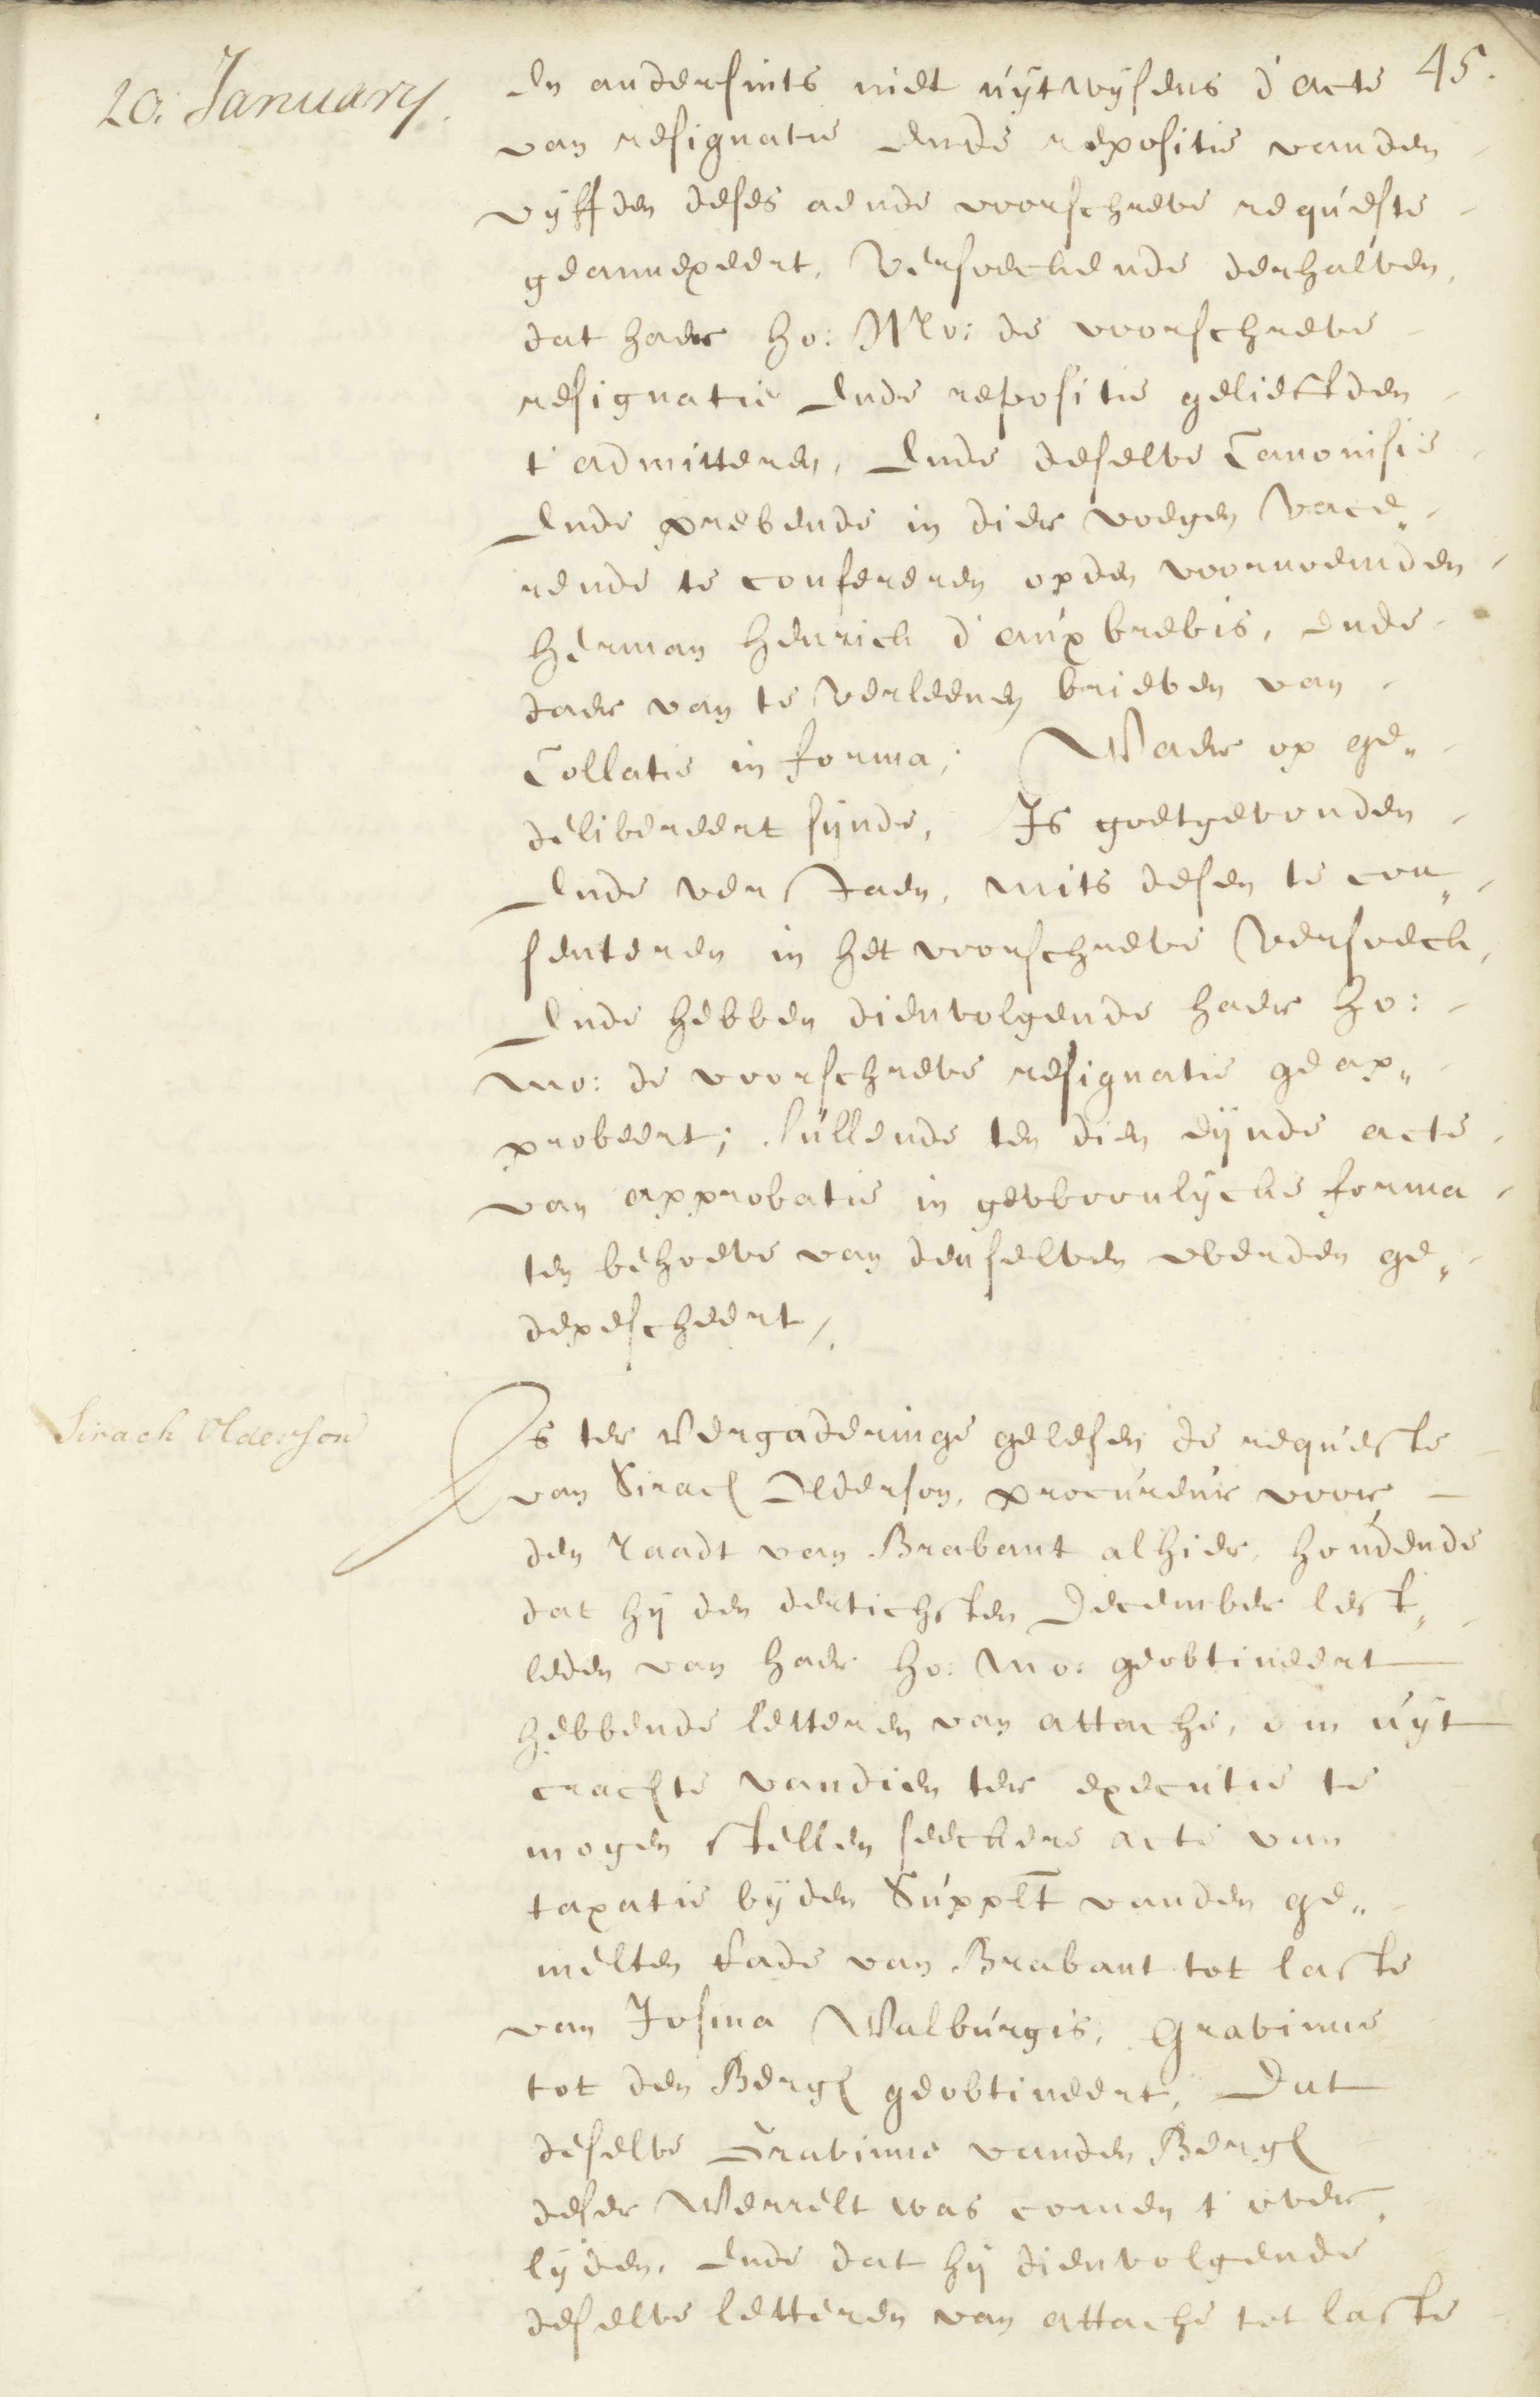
45.
20. January
en andersints niet uijtwijsens d'acte
van resignatie ende repositie van den
vijffden deses aende voorschreve requeste
geannexeert, versoeckende derhalven
dat haer ho:Mo: de voorschreve
resignatie ende repositie gelieffden
t' admitteren, ende deselve Canonisie
ende prebende in dier voegen vace,,
rende te confereren op den voornoemden
herman henrick d'aux brebis, ende
daer van te verleenen brieven van
Collatie in forma; Waer op ge,,
delibereert sijnde, Is goetgevonden
ende verstaen, mits desen te con,,
senteren in het voorschreve versoeck
ende hebben dienvolgende haer ho:
mo: de voorschreve resignatie geap„
probeert; sullende ten dien eijnde acte
van approbatie in gewoonlijcke forma
ten behoeve van denselven werden ge„
depescheert.
Sirach Olderson
Is ter vergaderinge gelesen de requeste
van Sirach Olderson, procureur voor
den raadt van Brabant alhier, houdende
dat hij den dertichsten December lest„
leden van haer ho:mo: geobtineert
hebbende letteren van attache, om uijt
crachte vandien ter executie te
mogen stellen seeckere acte van
taxatie bij den Supplt vanden ge„
melten Rade van Brabant tot laste
van Josina Walburgis, Gravinne
tot den Bergh geobtineert. Dat
deselve Gravinne vanden Bergh
deser Werrelt was comen t‛over„
lijden, ende dat hij dienvolgende
deselve letteren van attache tot laste
